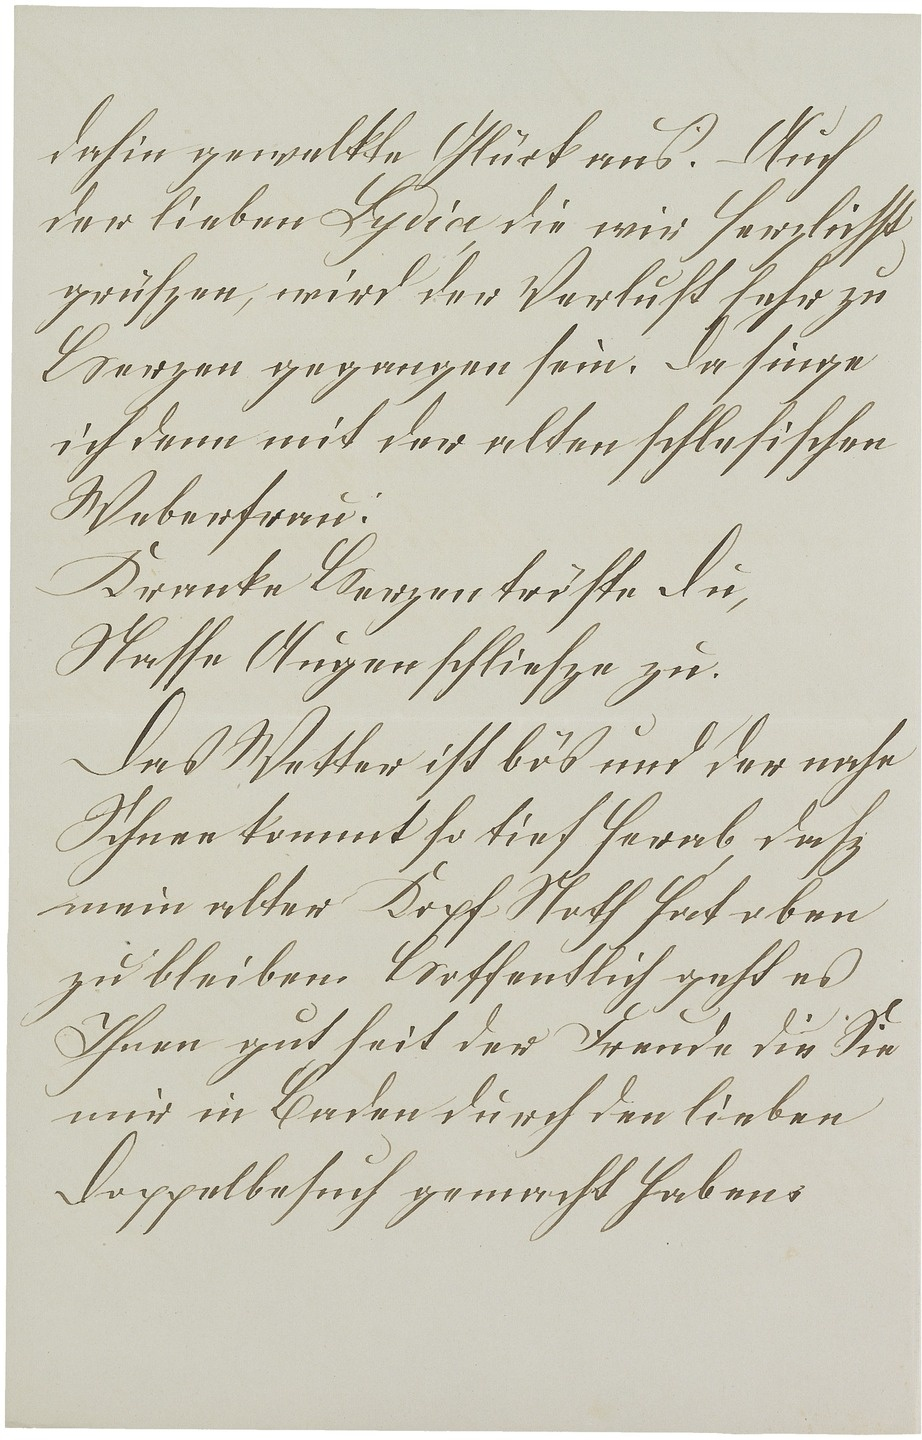dahin gewelkte Glück aus. – Auch
der lieben Lydia, die wir herzlichst
grüszen, wird der Verlust sehr zu
Herzen gegangen sein. Da singe
ich dann mit der alten schlesischen
Weberfrau:
Kranke Herzen tröste Du,
Nasse Augen schliesze zu.
Das Wetter ist bös und der nahe
Schnee kommt so tief herab, dasz
mein alter Kopf Noth hat oben
zu bleiben. Hoffentlich geht es
Ihnen gut seit der Freude die Sie
mir in Baden durch den lieben
Doppelbesuch gemacht haben.